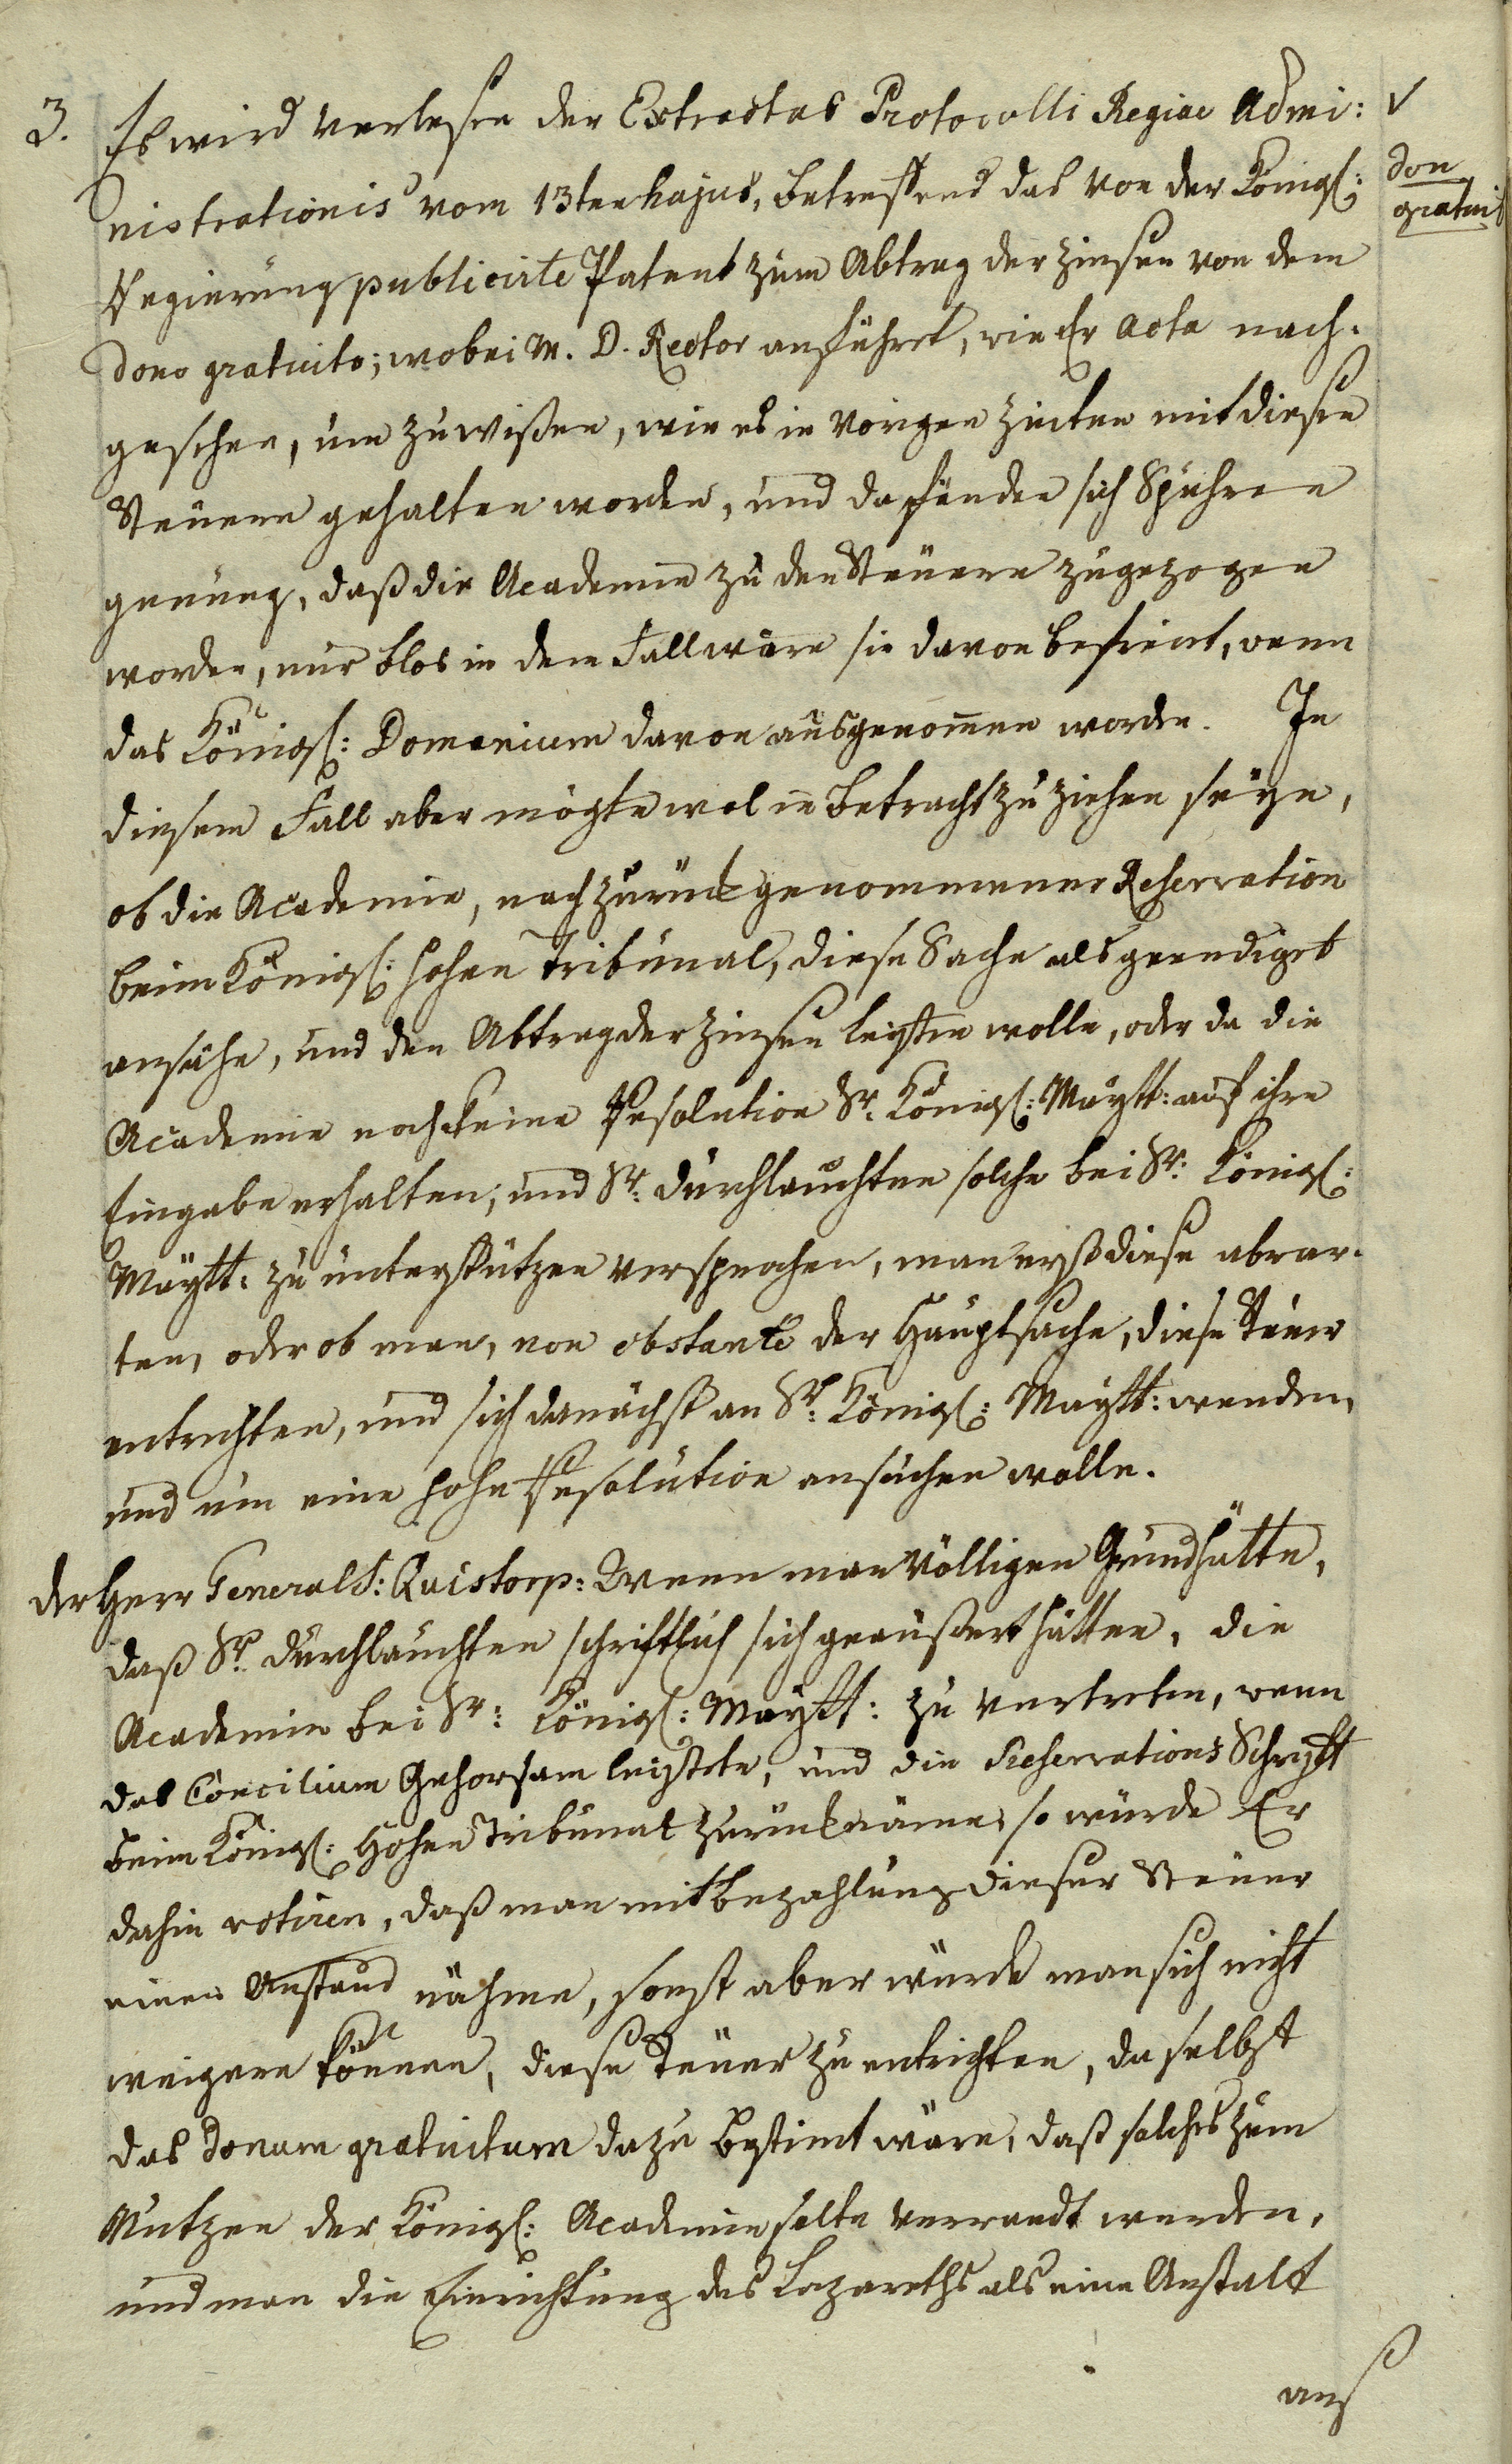3. Es wird verlesen der Extractus Protocolli Regiae Admi¬
nistrationis vom 13. hujus, betreffend das von der Königl.
Regierung publicirte Patent zum Abtrag der Zinsen von dem
dono gratuito; wobei M. D. Rector anführet, wie Er Acta nach¬
gesehen, um zu wissen, wie es in vorigen Zeiten mit diesen
Steuern gehalten worden, und da fänden sich Spuhren
genueg, daß die Academie zu den Steuern zugezogen
worden, nur blos in dem Fall wäre sie davon befreiet, wenn
das Königl. Domanium davon ausgenomen worden. In
diesem Fall aber mögte wol in Betracht zu ziehen seÿn,
ob die Academie nach zurück genommener Reservation
beim Königl. hohen Tribunal, diese Sache als geendiget
ansähe, und den Abtrag der Zinsen leisten wolle, oder da die
Academie noch keine Resolution Sr. Königl. Maÿtt. auf ihre
Eingabe erhalten, und Sr. Durchlauchten solche bei Sr. Königl.
Maÿtt. zu unterstützen versprochen, man erst diese abwar¬
ten, oder ob man, non obstante der Hauptsache, diese Steuer
entrichten, und sich danächst an Sr. Königl. Maÿtt. wenden
und um eine hohe Resolution ansuchen wolle.
der Herr Generals. Quistorp: Wenn man völligen Grund hätte,
daß Sr. Durchlauchten schriftlich sich geäußert hätten, die
Academie bei Sr. Königl. Maÿtt. zu vertreten, wenn
das Concilium Gehorsam leisten, und die Preservations Schrift
beim Königl. Hohen Tribunal zurück näme, so würde Er
dahin votiren, daß man mit Bezahlung dieser Steuer
einen Anstand nähme, sonst aber würde man sich nicht
weigern können, diese Steuer zu entrichten, da selbst
das donum gratuitum dazu bestimt wäre, daß solches zum
Nutzen der Königl. Academie solte verwandt werden,
und man die Einrichtung des Lazareths als eine Anstalt
ans